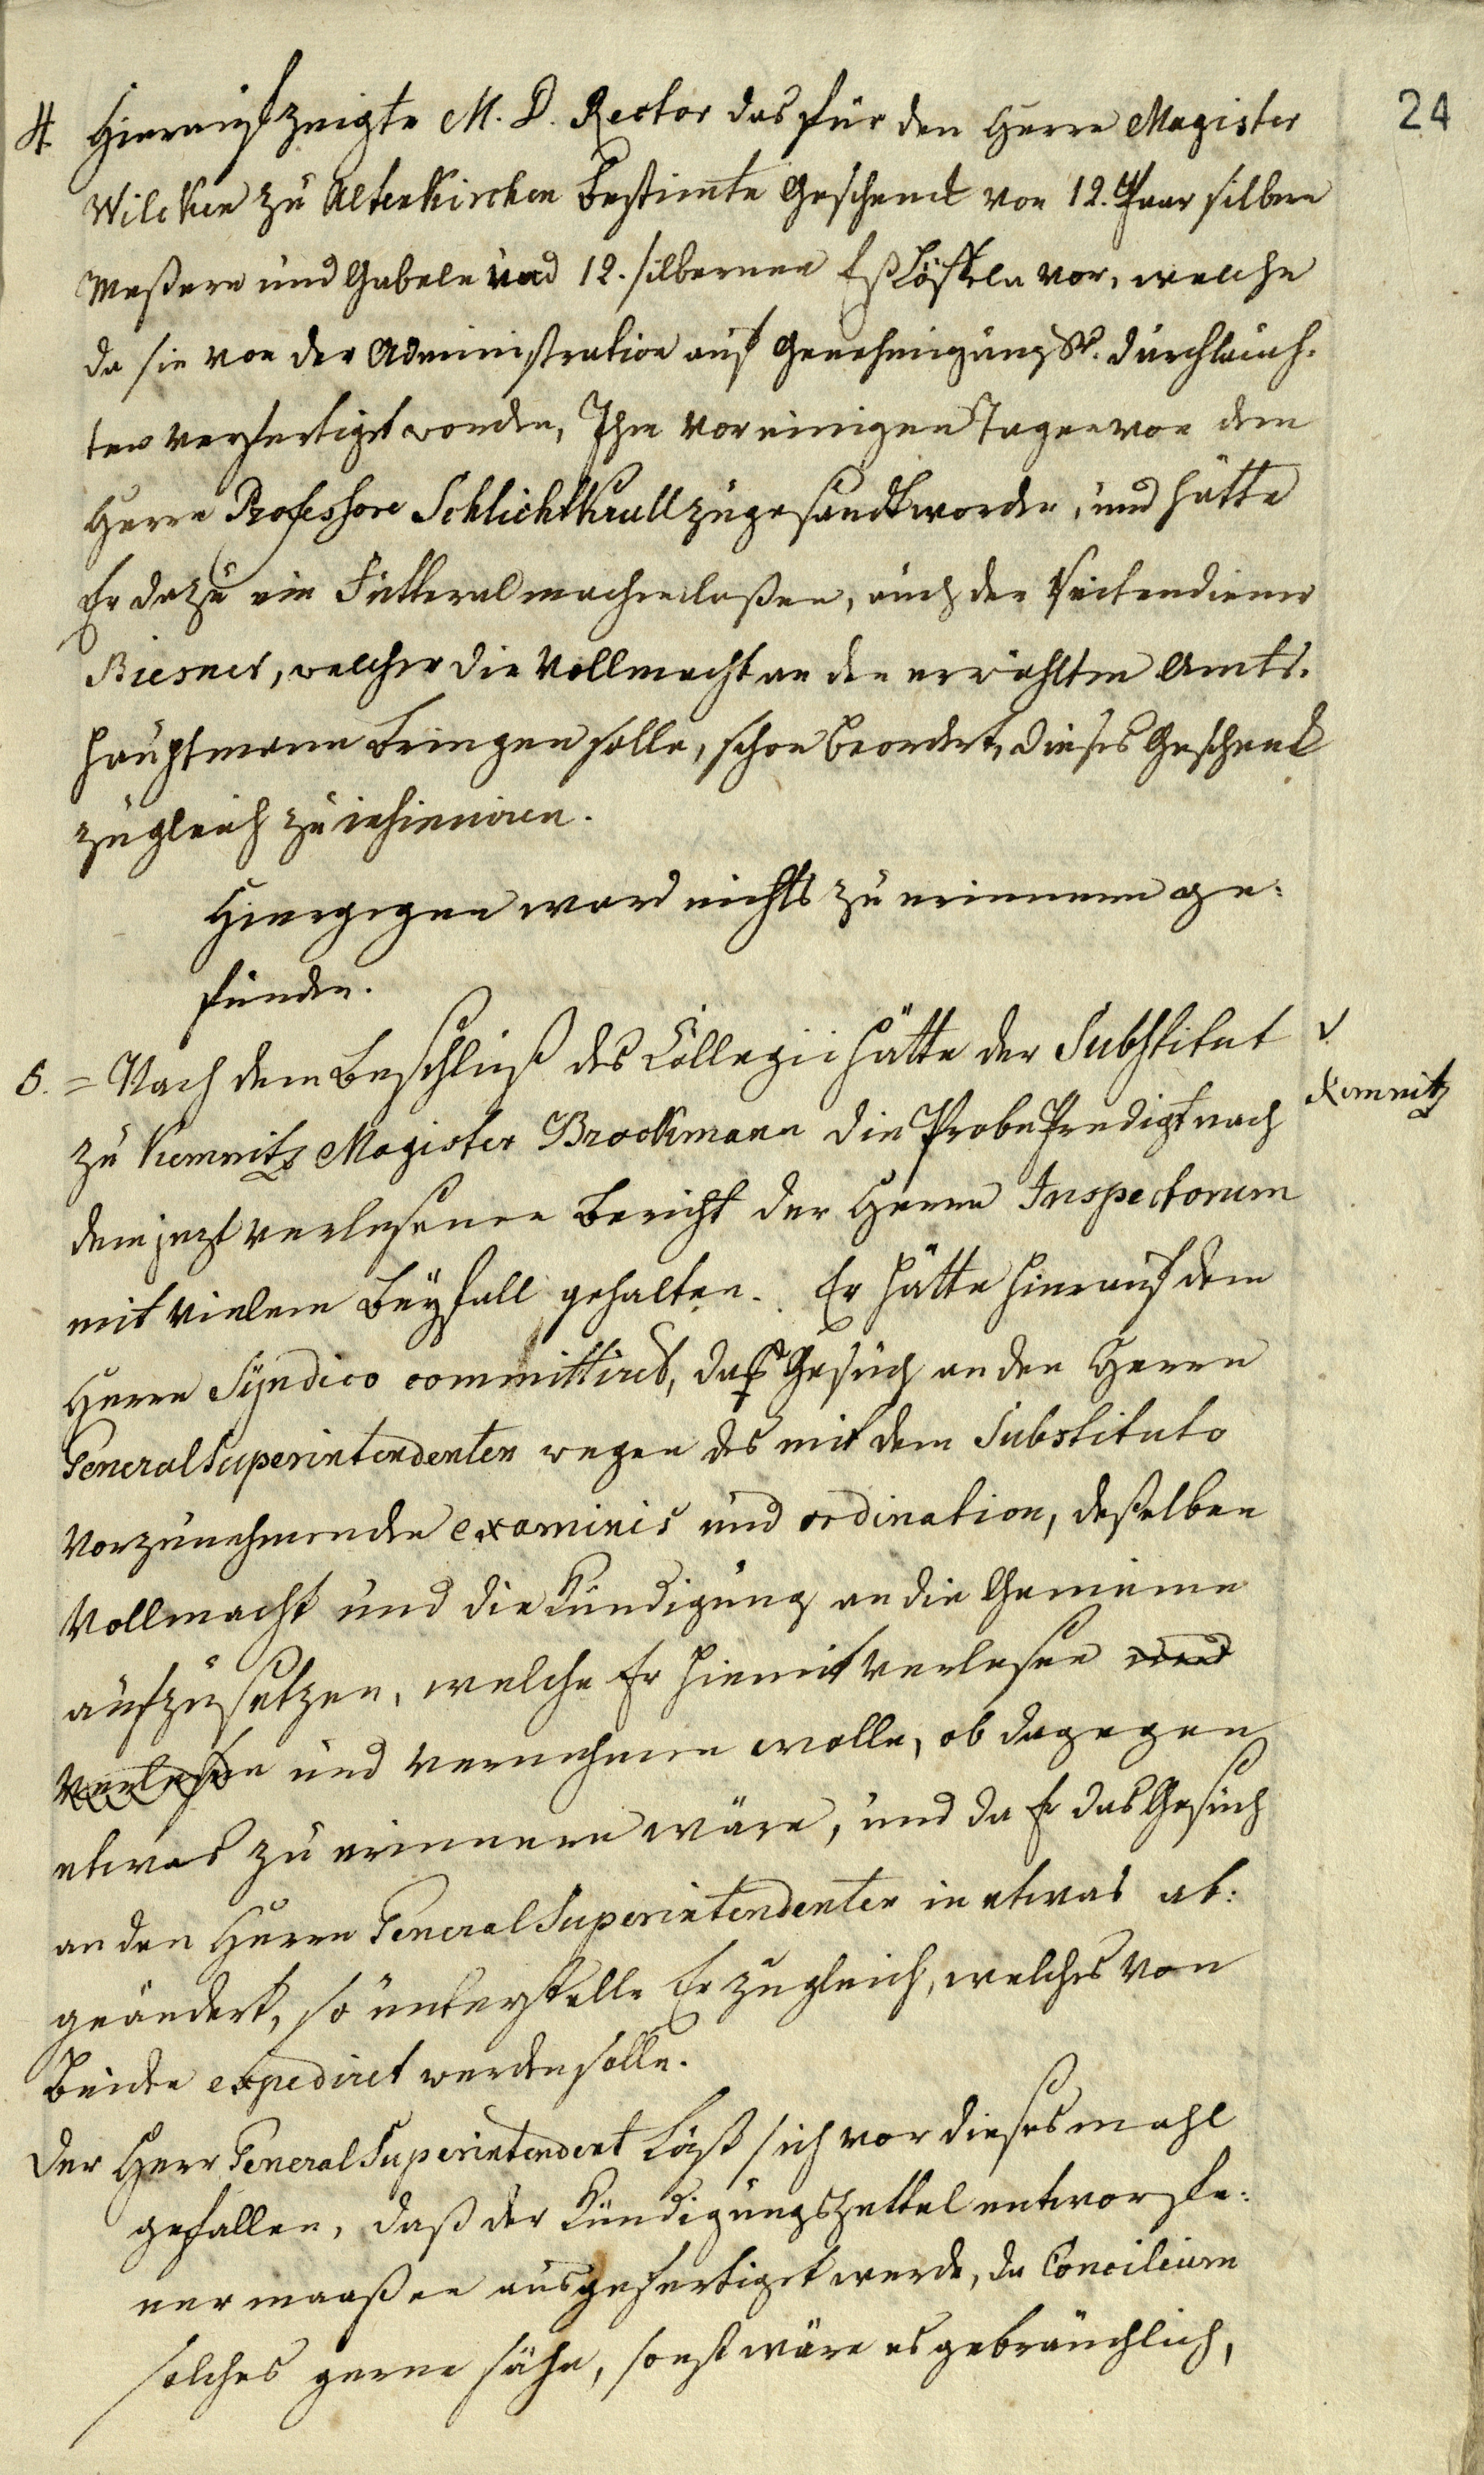4. Hiernegst zeigte M. D. Rector das für den Herrn Magister
Wilcken zu Altenkirchen bestimte Geschenk von 12 Paar silbern
Meßern und Gabeln und 12 silbernen Eßlöffeln vor, welche
da sie von der Administration auf Genehmigung Sr. durchlauch¬
ten verfertiget worden, Ihm vor einigen Tagen von dem
Herrn Professore Schlichtkrull zugesandt worden, und hätte
Er dazu ein Futteral machen laßen, und der Reitendiener
Biesner, welcher die Vollmacht an den erwählten Amts¬
Hauptmann bringen solle, schon beordert, dieses Geschenk
zugleich zu insinuirren.
Hiergegen ward nichts zu erinnern ge¬
funden.
5. = Nach dem Beschluß des collegii hätte der Substitut
zu Kemnitz Magister Brockmann die Probe Predigt nach
dem jezt verlesenen Bericht der Herrn Inspectorum
mit vielem Beÿfall gehalten. Er hätte hierauf dem
Herrn Sÿndico committiret, daß Gesuch an den Herrn
General Superintendenten wegen des mit dem Substituto
vorzunehmende examinis und ordination, deßelben
Vollmacht und die Kündigung an die Gemeine
aufzusetzen, welche Er hiemit verlesen und
verlesen und vernehmen wolle, ob dagegen
etwas zu erinnern wäre, und da Er das Gesuch
an den Herrn General Superintendenten in etwas ab¬
geändert, so unterstellte Er zugleich, welches von
beide expediret werden solle.
Der Herr General Superintendent Läßt sich vor dieses mahl
gefallen, daß der Kündigungszettel entworfen¬
er maaßen ausgefertiget werde, da Concilium
solches gerne sähe, sonst wäre es gebräuchlich,